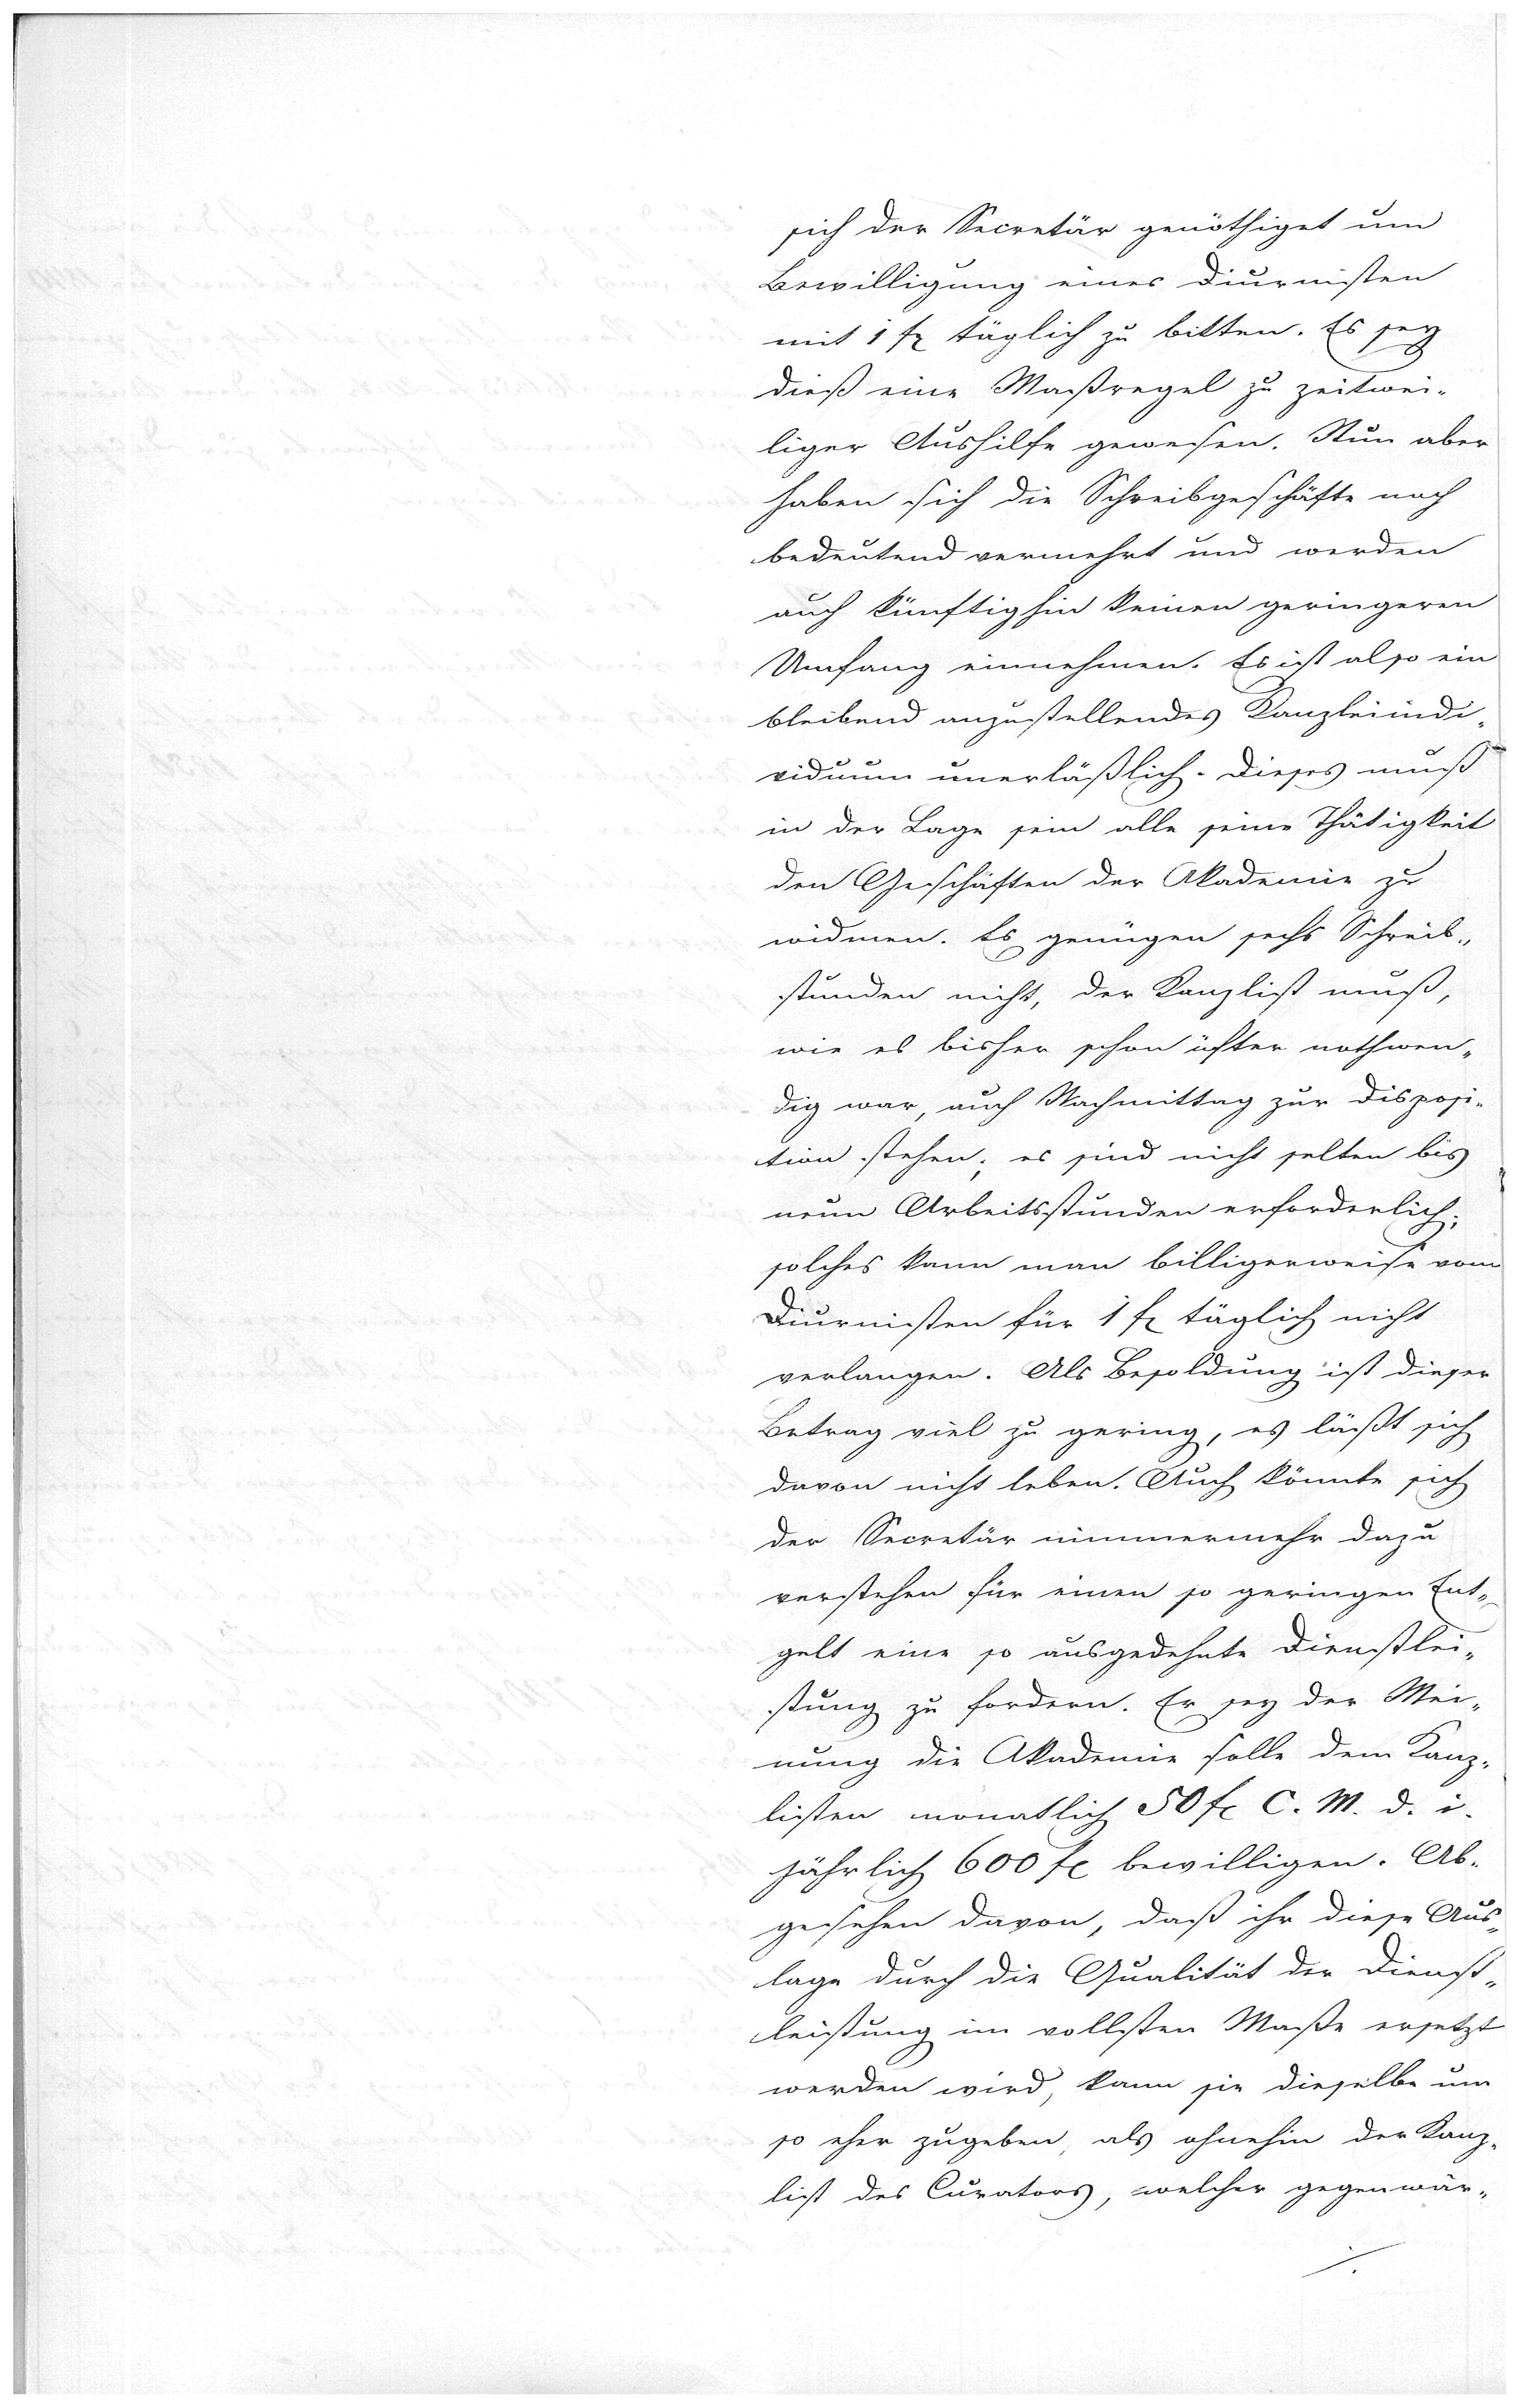sich der Secretär genöthiget um
Bewilligung eines Diurnisten
mit 1 fl täglich zu bitten. Es sey
dieß eine Maßregel zu zeitwei-
liger Aushilfe gewesen. Nun aber
haben sich die Schreibgeschäfte noch
bedeutend vermehrt und werden
auch künftighin keinen geringeren
Umfang einnehmen. Es ist also ein
bleibend anzustellendes Knazleiindi-
viduum unerläßlich. Dieses muß
in der Lage sein alle seine Thätigkeit
den Geschäften der Akademie zu
wimen. Es genügen sechs Schreib-
stunden nicht, der Kanzlist muß,
wie es bisher schon öfter nothwen-
dig war, auch Nachmittag zur Dispos-
tion stehen; es sind nicht selten bis
neun Arbeitsstunden erforderlich;
solches kann man billigerweise vom
Diurnisten für 1 fl täglich nicht
verlangen. Als Besoldung ist dieser
Betrag viel zu gering, es läßt sich
davon nicht leben. Auch könnte sich
der Secretär nimmermehr dazu
verstehen für einen so geringen Ent-
gelt eine so ausgedehnte Dienstlei-
stung zu fordern. Er sey der Mein-
nung die Akademie solle dem Kanz-
listen monatlich 50 fl C. M. d. i.
jährlich 600 fl bewilligen. Ab-
gesehen davon, daß ihr diese Aus-
lage durch die Qualität der Dienst-
leistung im vollsten Maße ersetzt
werden wird, kann sie dieselbe um
so eher zugeben, als ohnehin der Kanz-
list des Curators, welcher gegenwär-